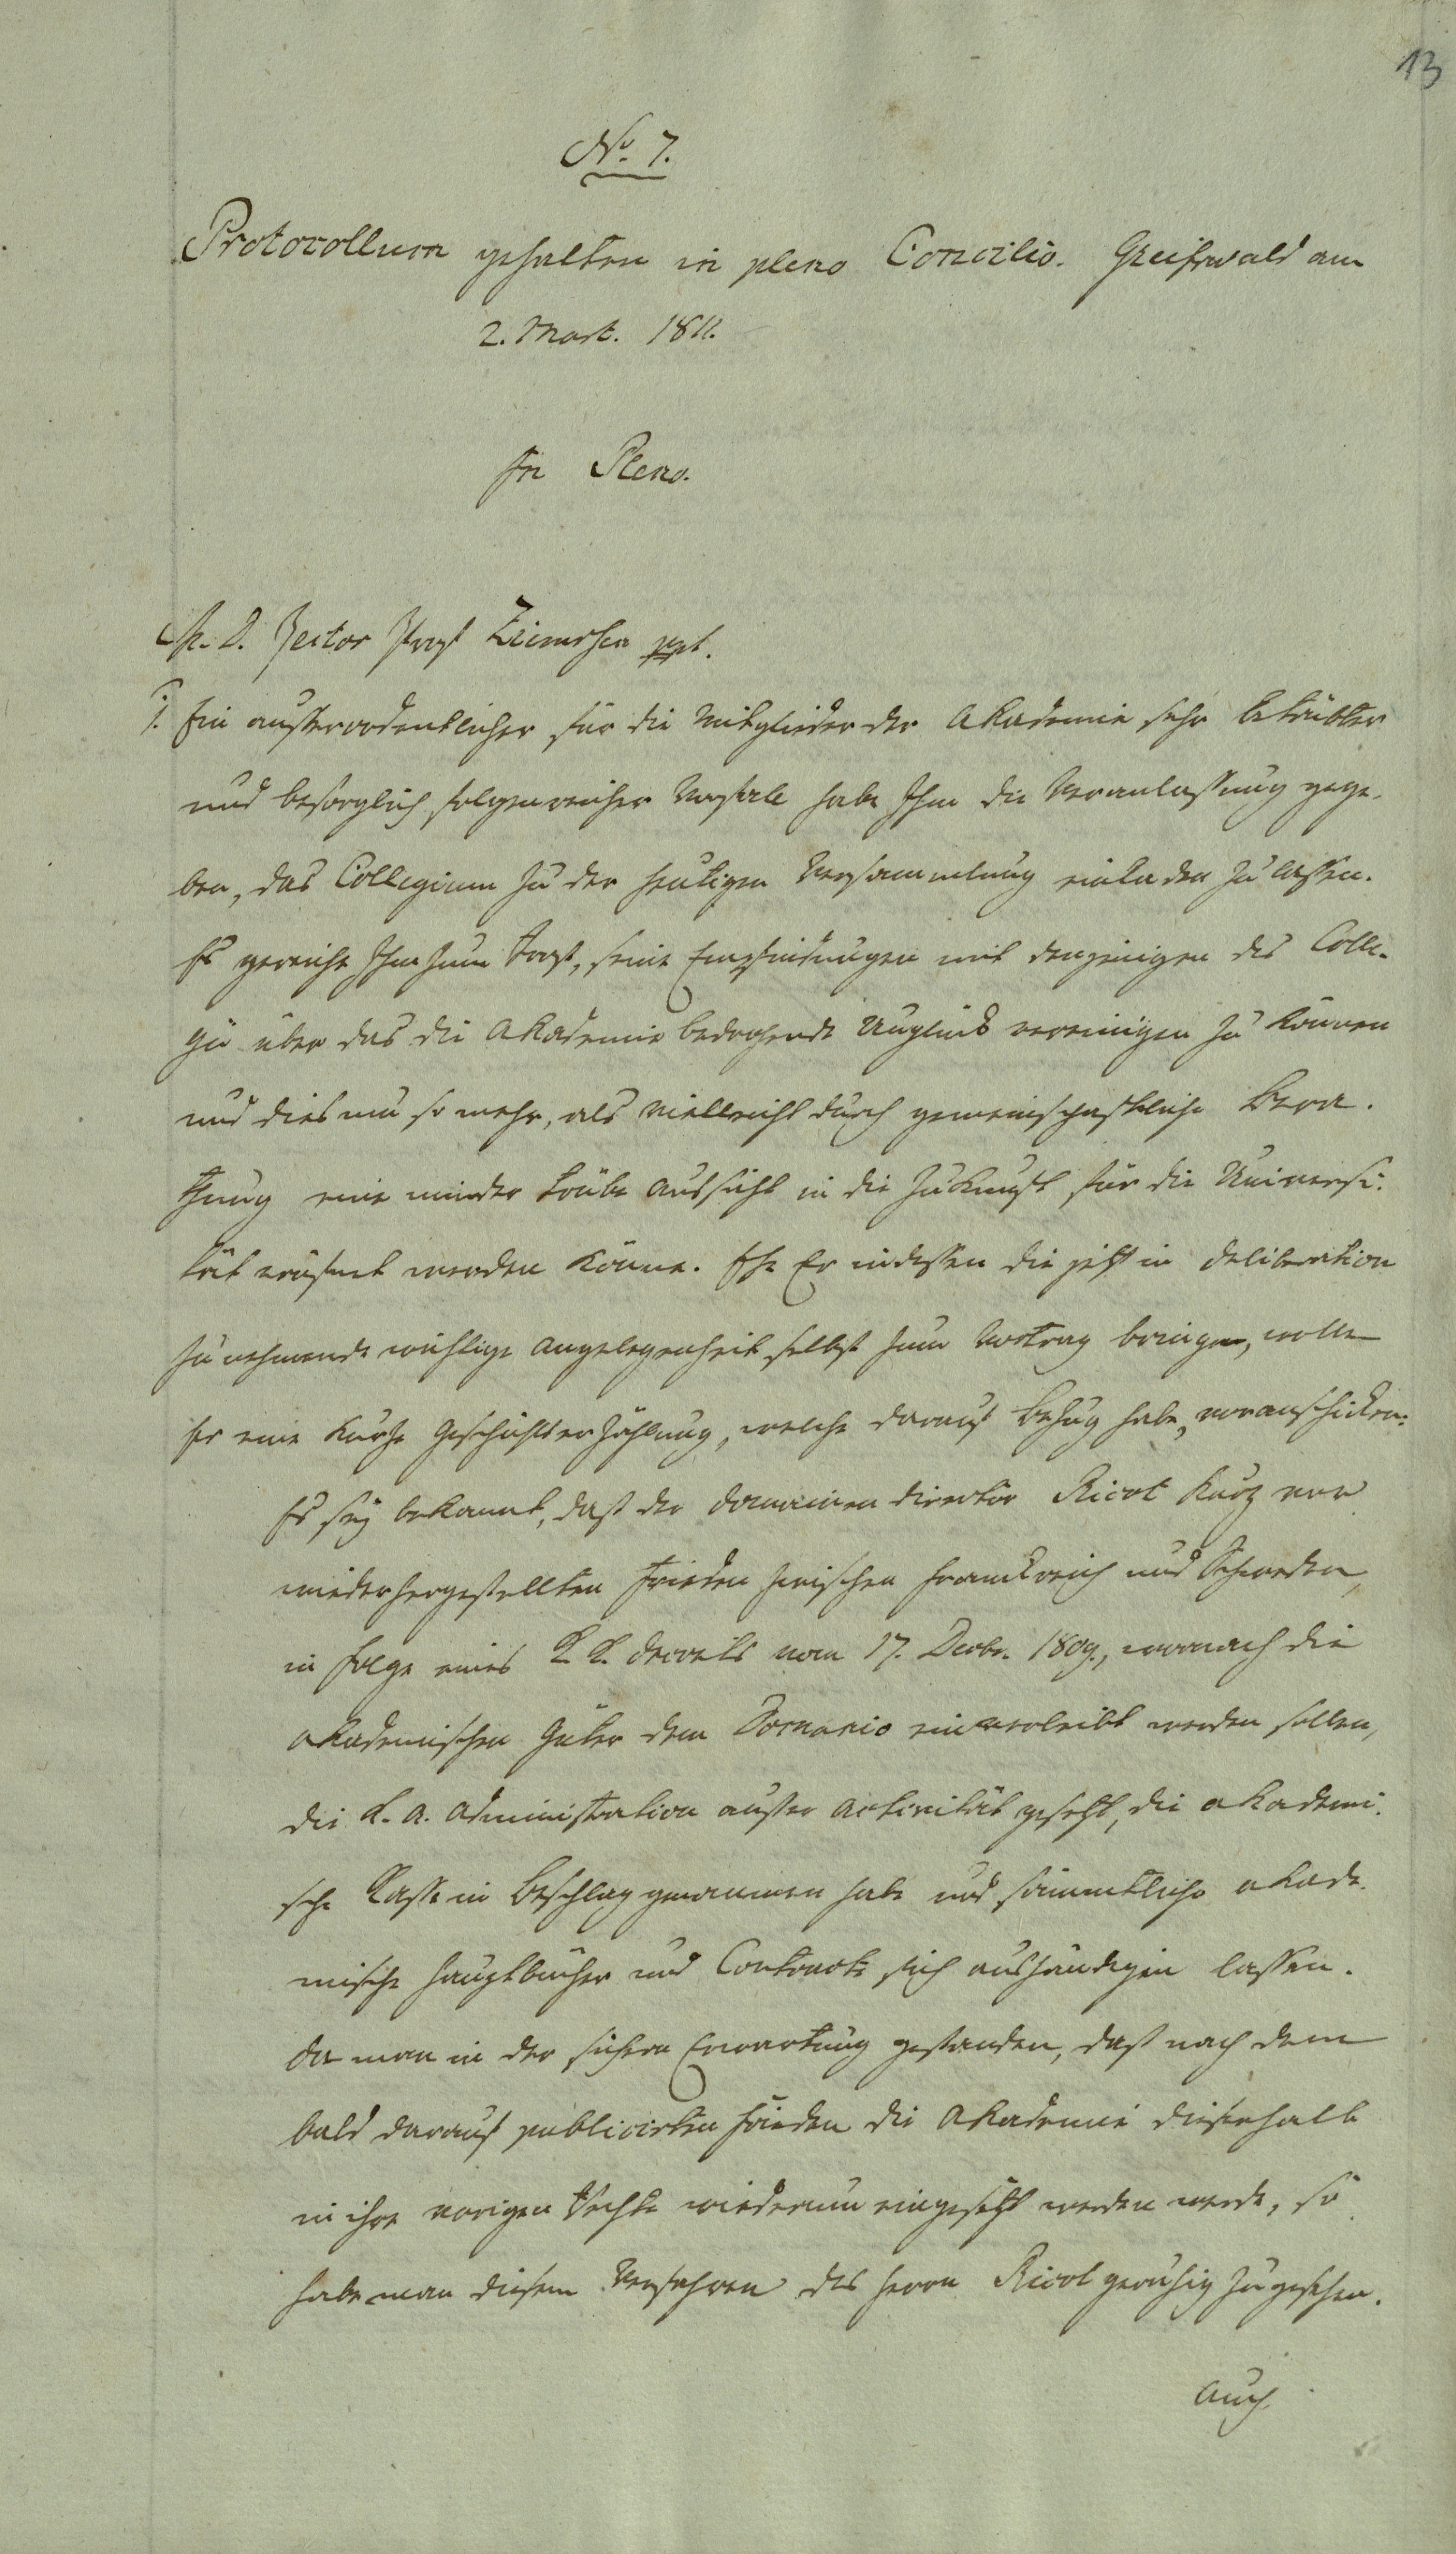Nº 7.
Protocollum gehalten in pleno Concilio. Greifswald am
2. Mart. 1811.
In Pleno.
M. D. Rector Prof. Ziemssen ppt.
1. Ein außerordentlicher für die Mitglieder der Akademie sehr betrübter
und besorglich folgenreicher Vorfall habe Ihm die Veranlassung gege¬
ben, das Collegium zu der heutigen Versammlung einladen zu lassen.
Es gereicht Ihm zum Trost, seine Empfindungen mit denjenigen des Colle¬
gii über das die Akademie bedrohende Unglück vereinigen zu können
und dies um so mehr, als vielleicht durch gemeinschaftliche Bera¬
thung eine minder trübe Aussicht in die Zukunft für die Universi¬
tät eröfnet werden könne. Ehe Er indessen die jetzt in deliberation
zu nehmende wichtige Angelegenheit selbst zum Vortrag bringen, wolle
Er eine kurze Geschichtserzählung, welche darauf Bezug habe, voranschicken:
Es seÿ bekannt, daß der Domainen director Ricot kurz vor
wiederhergestellten Frieden zwischen Franckreich und Schweden
in Folge eines Königl. Decrets vom 17. Decbr. 1809., wornach die
akademischen Güter dem Domanio einverleibt werden sollen,
die K. A. Administration außer Activität gesetzt, die akademi¬
sche Kasse in Beschlag genommen habe und sämmtliche akade¬
mische Hauptbücher und Contracte sich aushändigen lassen.
Da man in der sichern Erwartung gestanden, daß nach dem
bald darauf publicirten Frieden die Akademie dieserhalb
in ihre vorigen Rechte wiederum eingesetzt werden werde, so
habe man diesem Verfahren des herrn Ricot geruhig zugesehen.
Auch